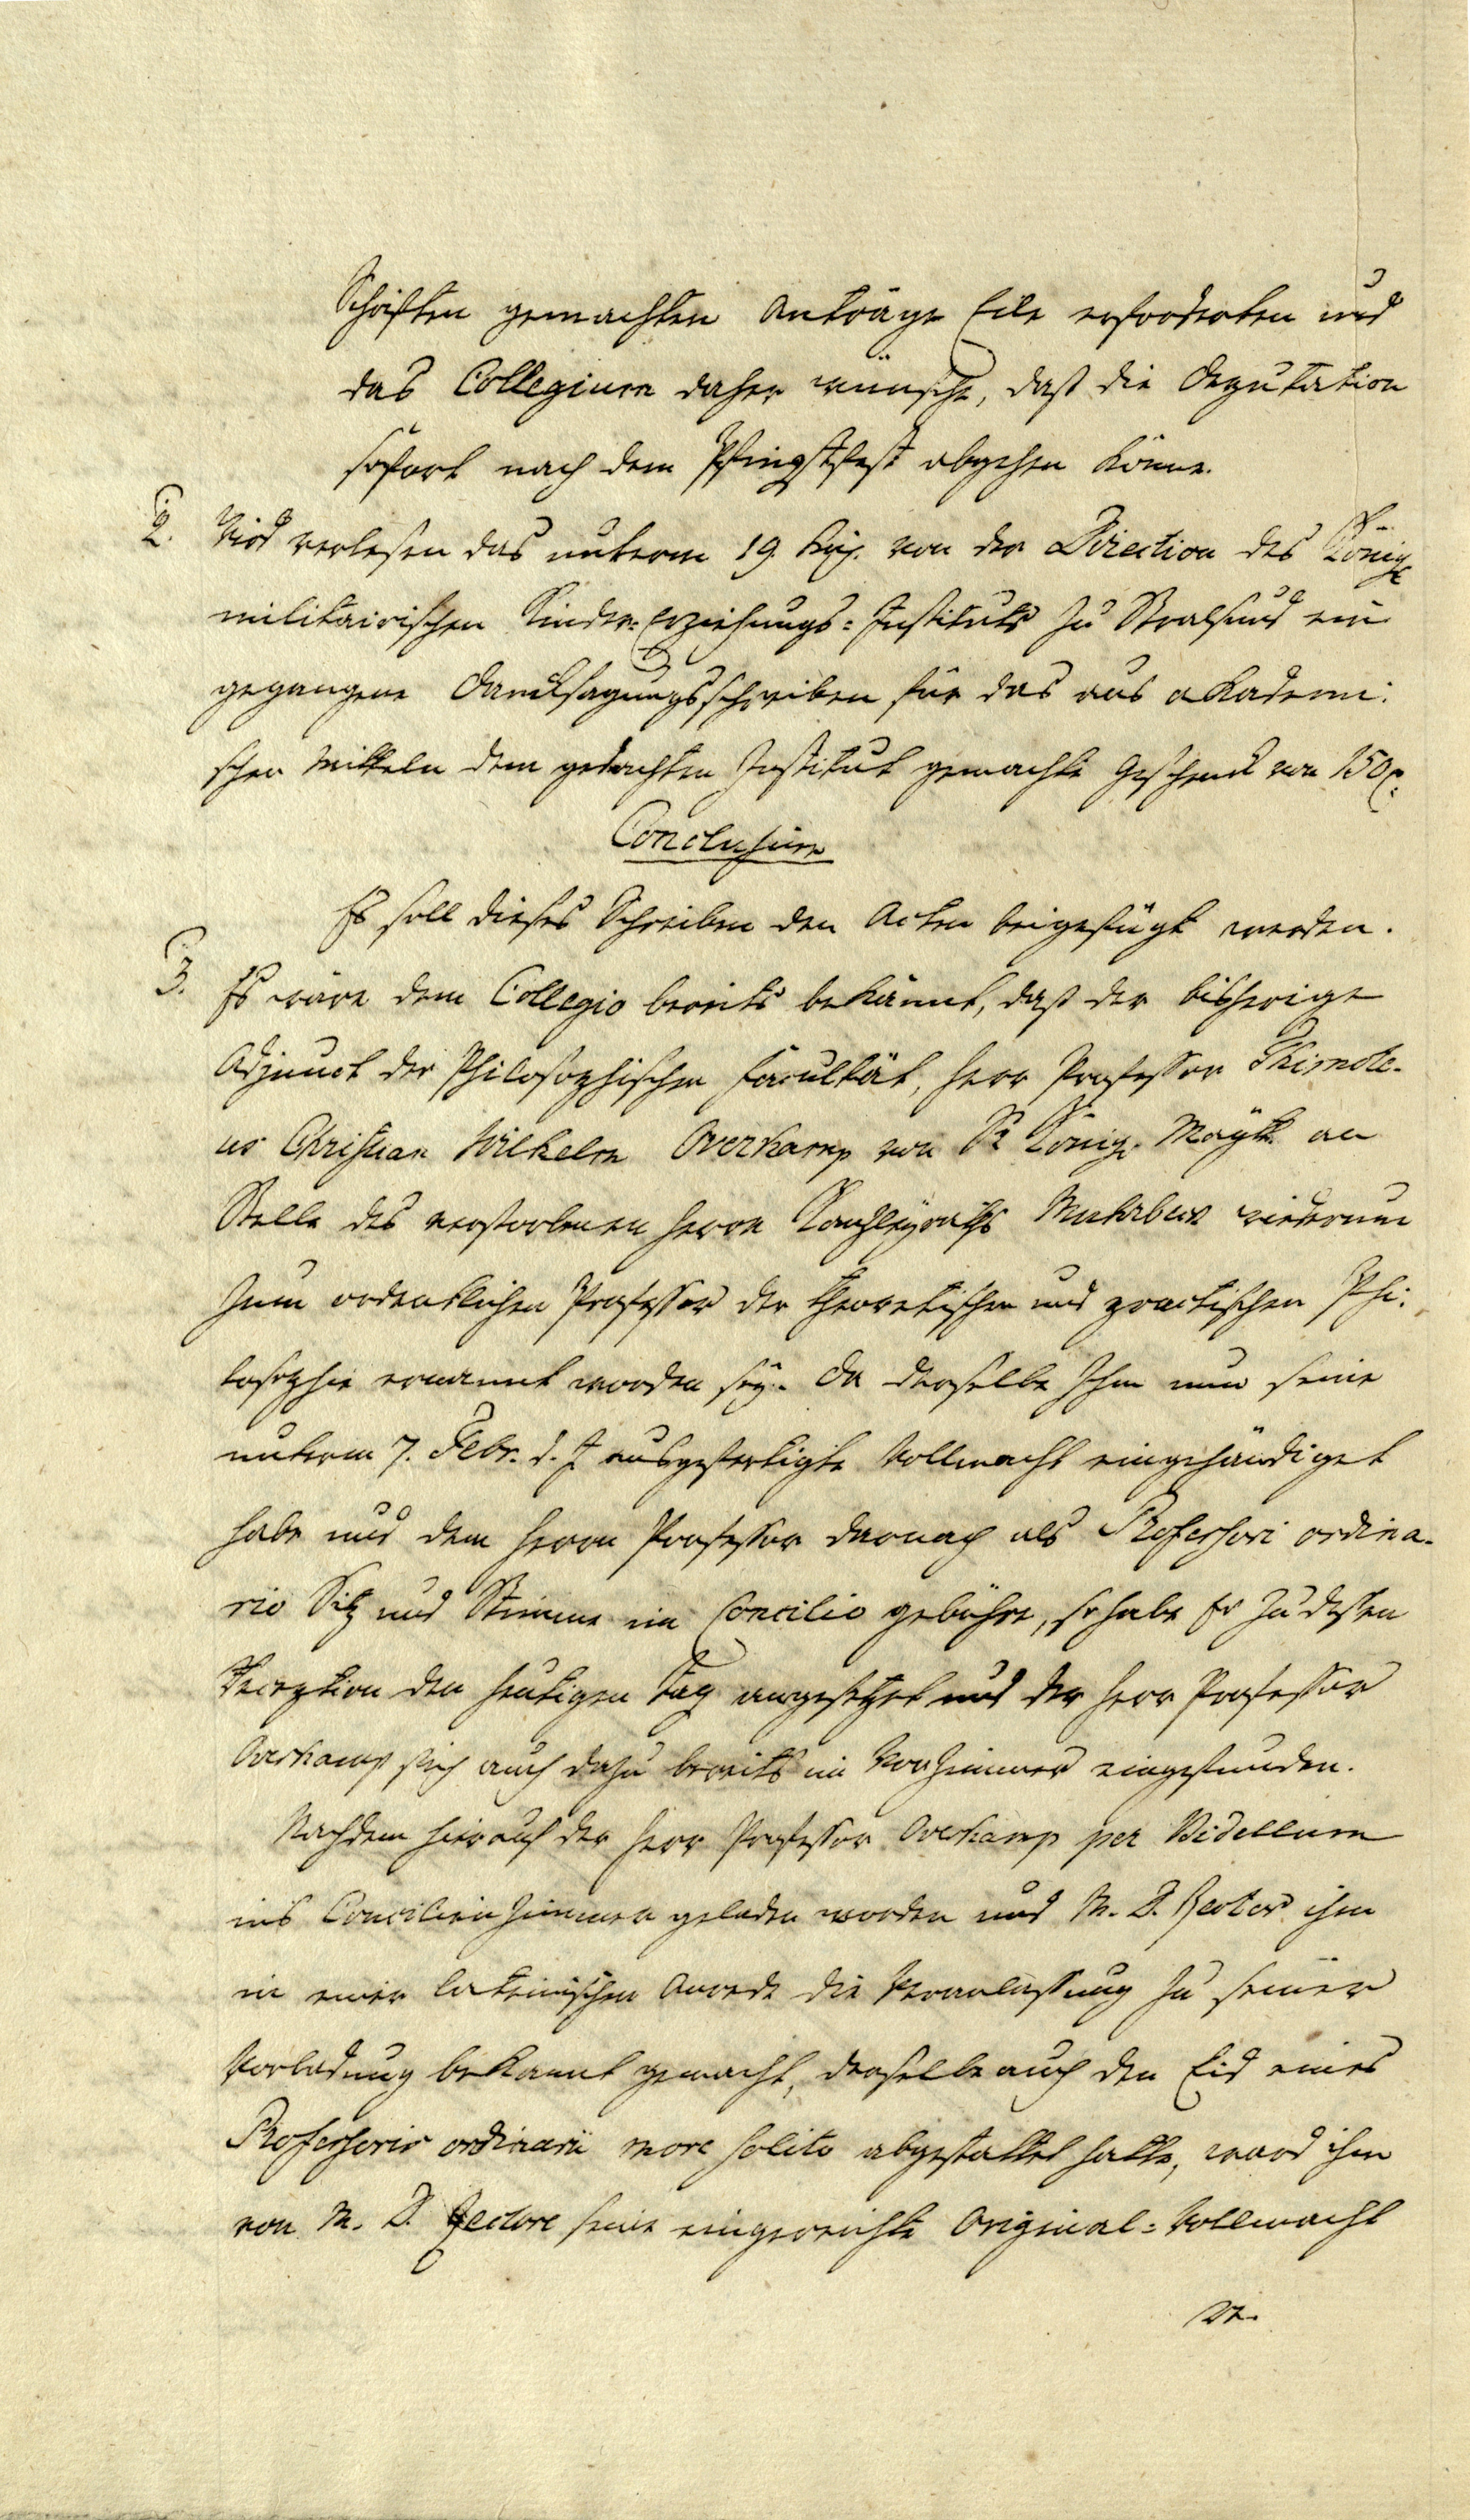Schriften gemachten Anträge Eile erforderten und
das Collegium daher wünsche, daß die Deputation
sofort nach dem Pfingstfest abgehen könne.
2. Wird verlesen das unterm 19. huj. von der Direction des König.
militairischen Kinder-Erziehungs-Instituts zu Stralsund ein¬
gegangene Dancksagungsschreiben für das aus akademi¬
schen Mitteln dem gedachten Institut gemachte Geschenck von 150 l.
Conclusum
Es soll dieses Schreiben den Acten beigefügt werden.
3.
Es wäre dem Collegio bereits bekannt, daß der bisherige
Adjunct der Philosophischen Facultät, herr Professor Thimote¬
us Christian Wilhelm Overkamp von Sr. König. Maÿtt. an
Stelle des verstorbenen herrn Kanzleÿraths Muhrbeck wiederum
zum ordentlichen Professor der theoretischen und practischen Phi¬
losophie ernannt worden seÿ. Da derselbe Ihm nun seine
unterm 7. Febr. d. J. ausgefertigte Vollmacht eingehändiget
habe und dem herrn Professor darnach als Professori ordina¬
rio Sitz und Stimme im Concilio gebühre, so habe Er zu dessen
Reception den heutigen Tag angesetzet und der herr Professor
Overkamp sich auch dazu bereits im Vorzimmer eingefunden.
Nachdem hierauf der herr Professor Overkamp per Bidellum
ins Concilien Zimmer geladen worden und M. D. Rector ihm
in einer lateinischen Anrede die Veranlassung zu seiner
Vorladung bekannt gemacht, derselbe auch den Eid eines
Professoris ordinarii more solito abgestattet hatte, ward ihm
von M. D. Rectore seine eingereichte Original-Vollmacht
re.